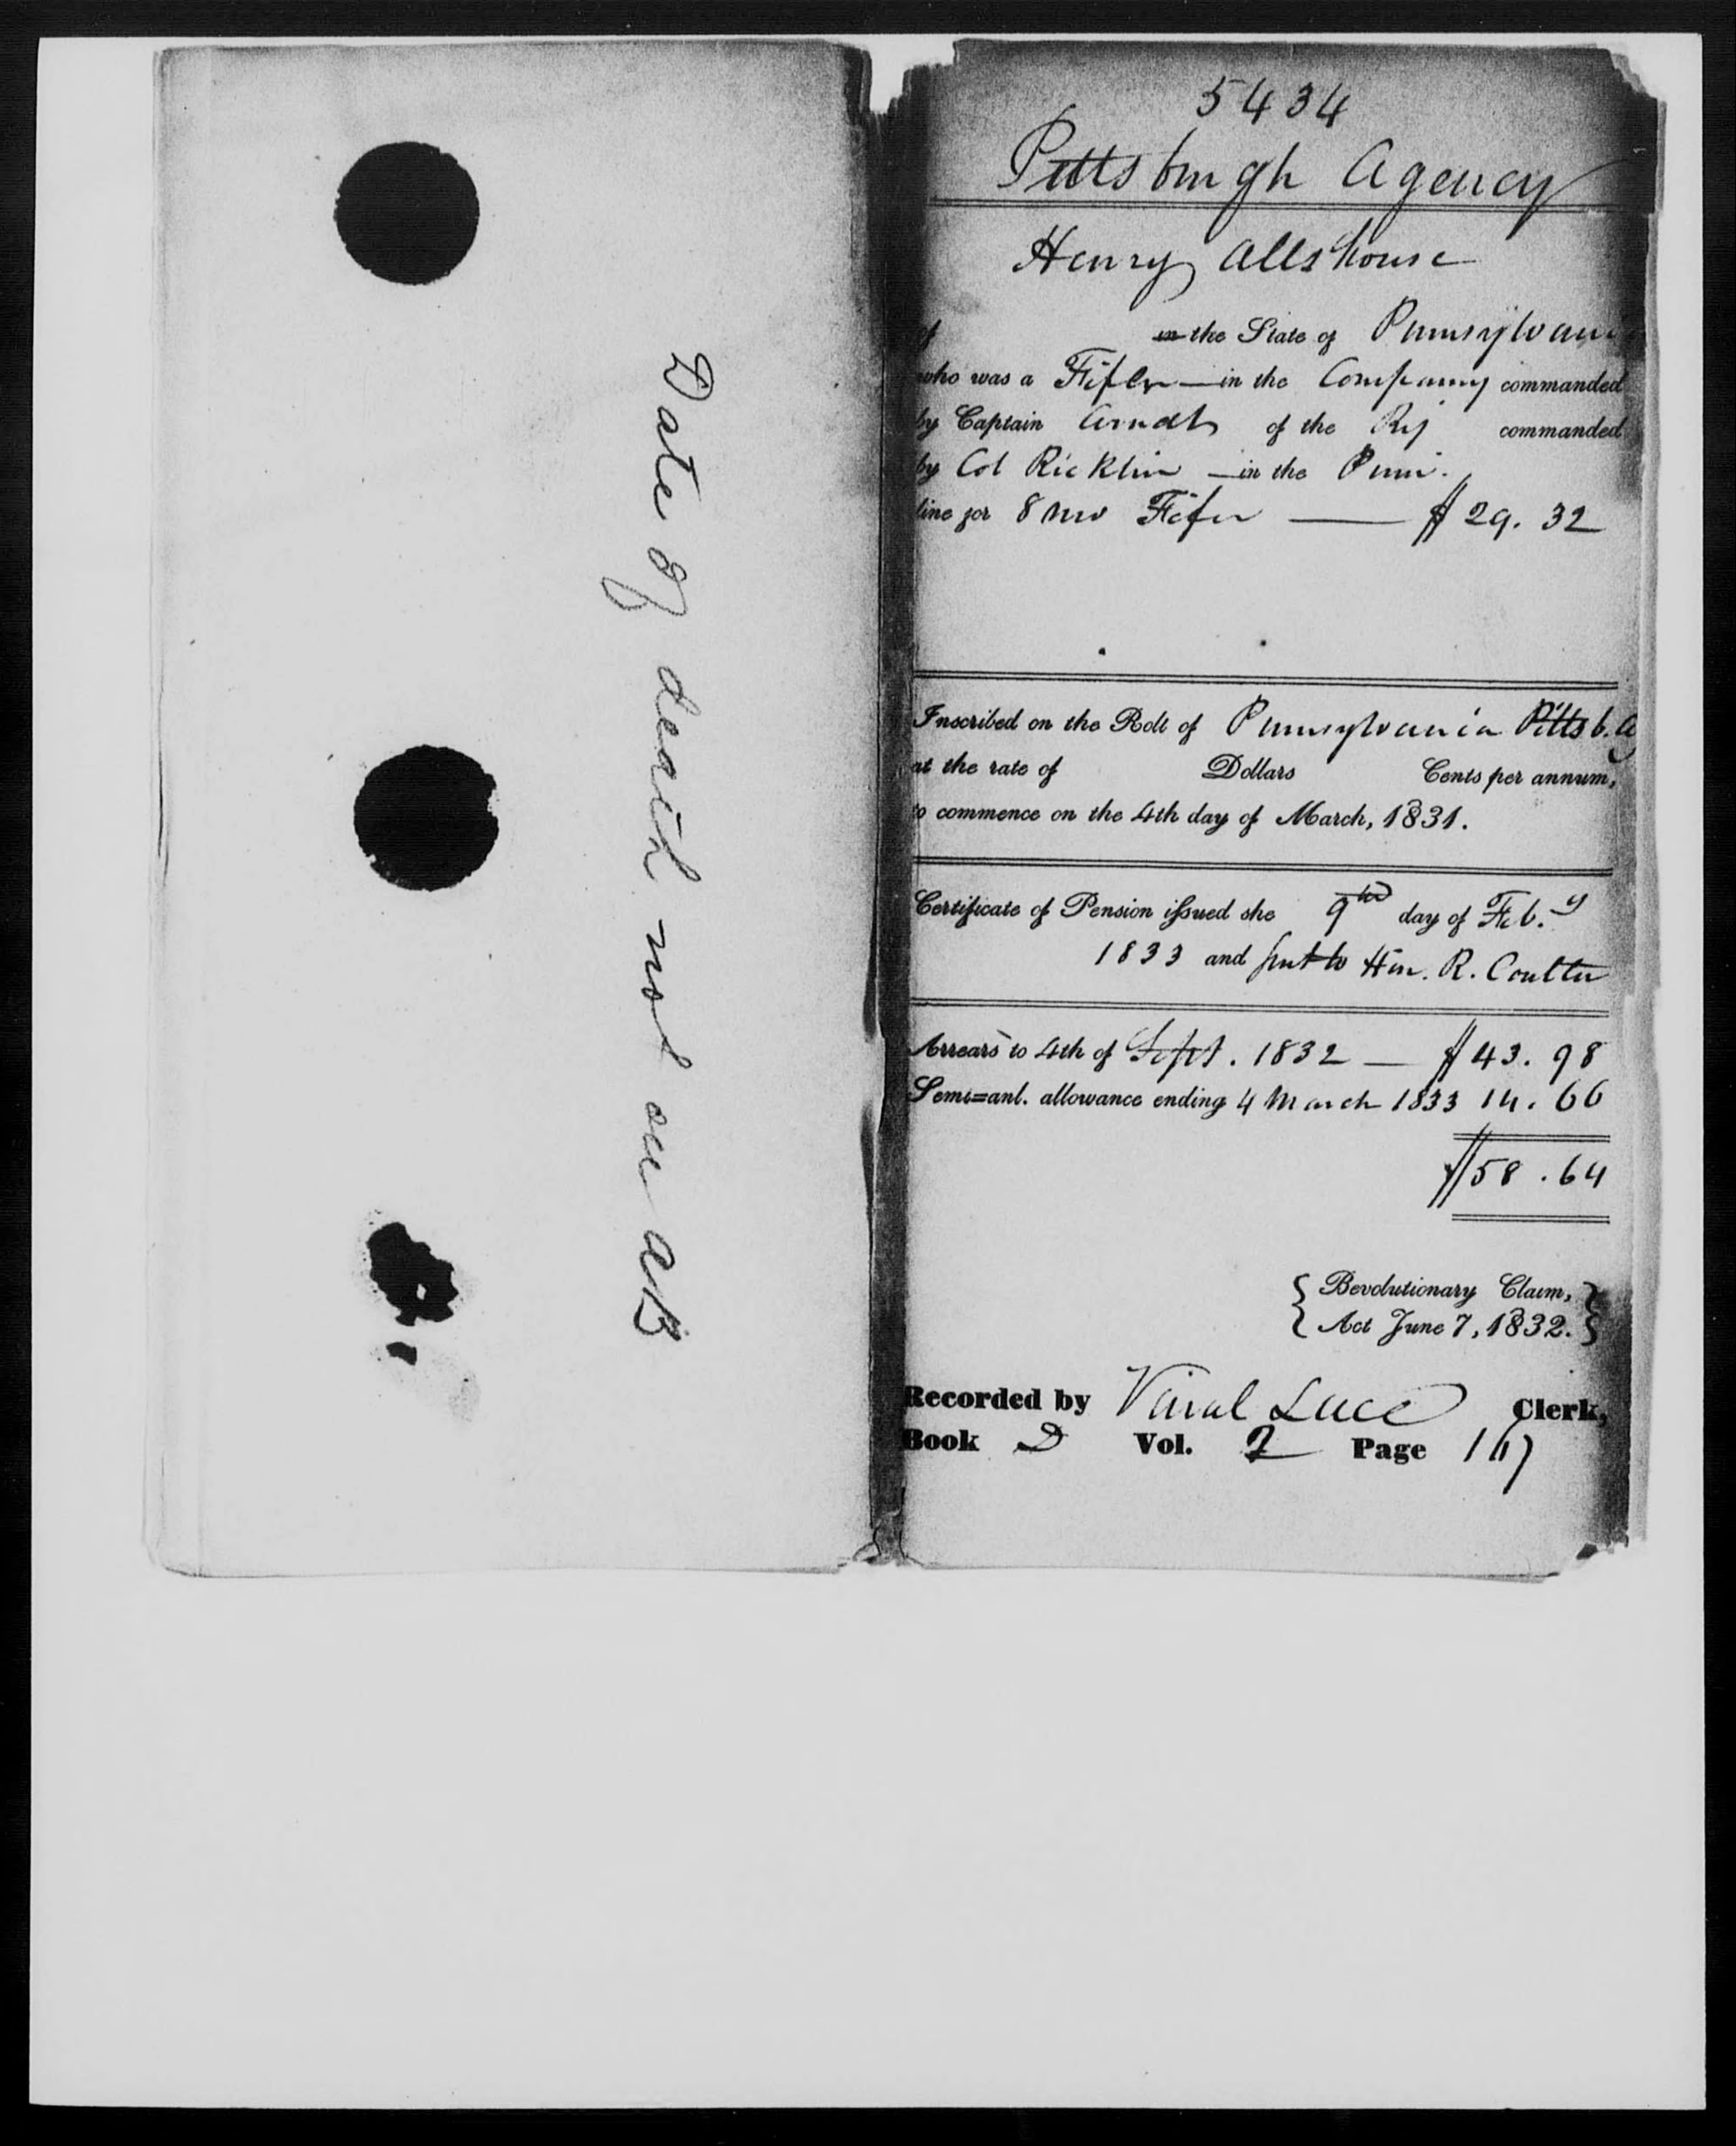5434
Pittbsurgh Agency
Henry Allshouse of  in the State of Pennsylvania who was a Fifer in the Company commanded by Captain [?] of the Rej commanded by Col Ricklin in the Penn line for 8 [?] Feifer - $29.32

Inscribed on the Role of Pennsylvania Pittsb. at the rate of   Dollars    Cents per annum, to commence on the 4th day of March, 1831.

Certificate of Pension issued the 9th day of Feb. y 1833 and sent to Hon. R. Coulter

[?] to 4th of Sept. 1832 - $43.98
Semi=anl. allowance ending 4 March 1833 14.00
$58.64

{Revolutionary Claim, Act June 7, 1832.}

Recorded by Varal Luce Clerk Book D Vol. 2 Page 167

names: R Coulter, Varal Luce, Ricklin, Henry Allshouse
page: 2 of 24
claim: survivor's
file: S. 2032, Henry Allshouse, Penn.